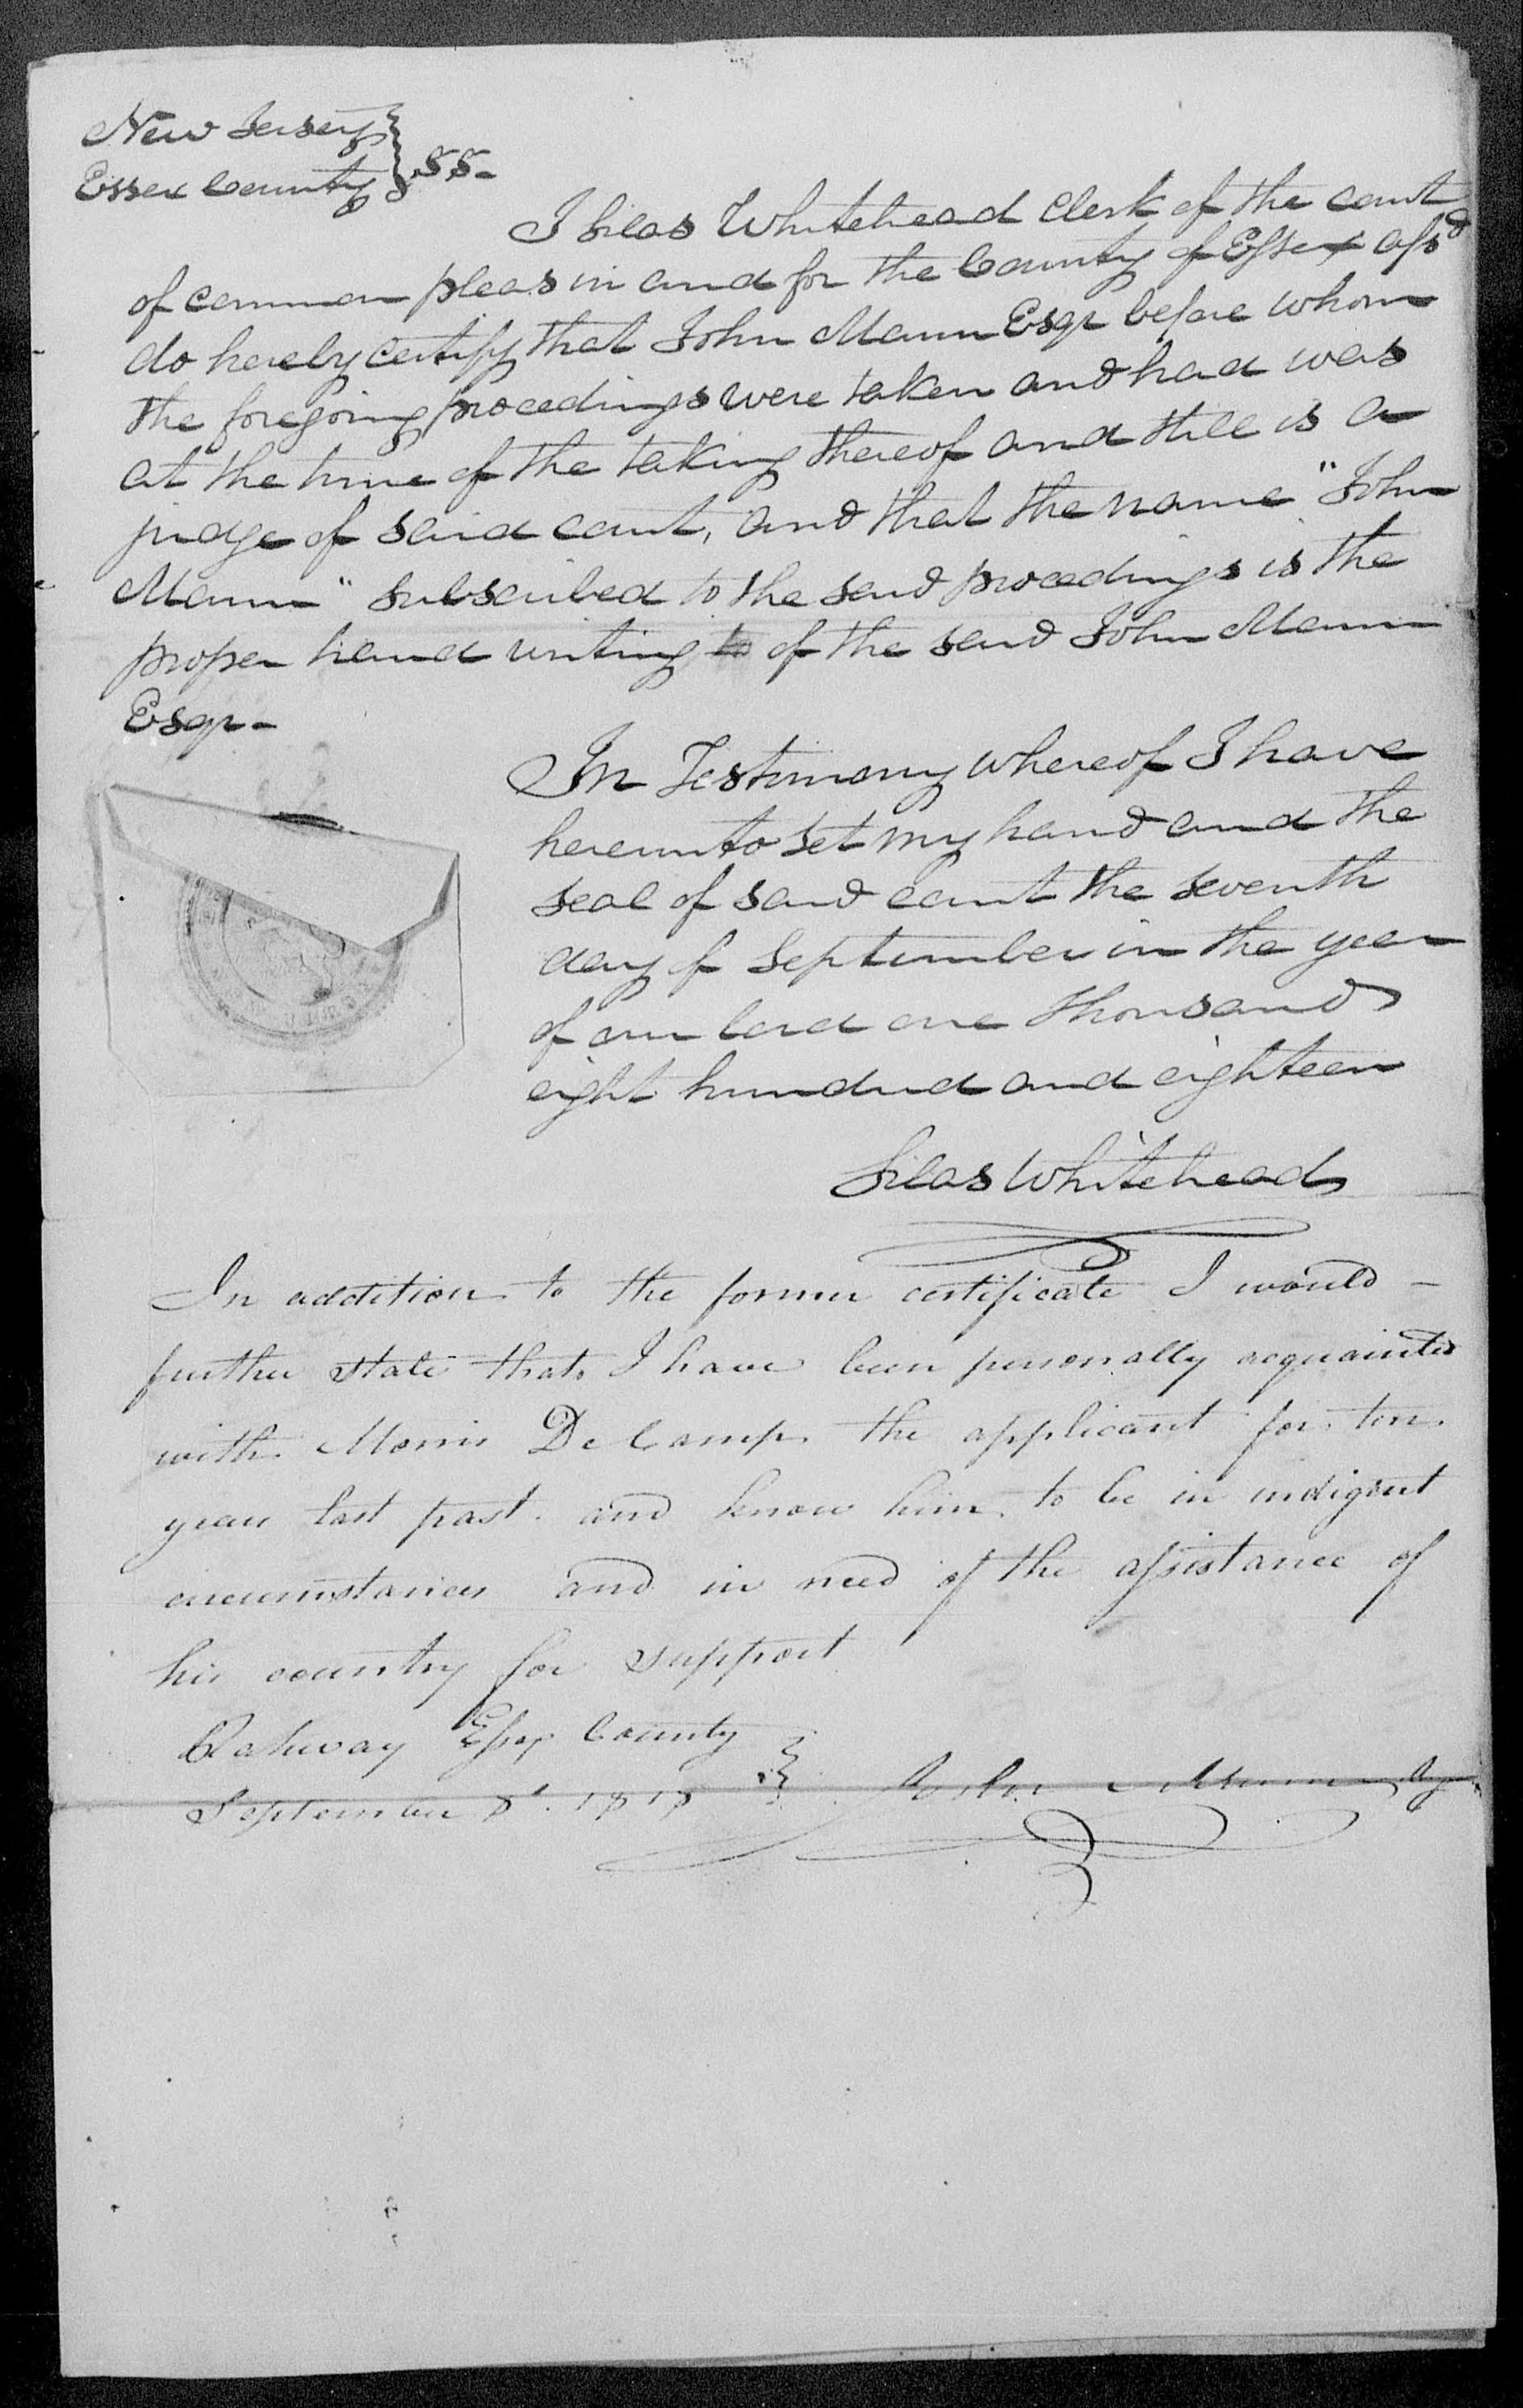New Jersey Essex Essex County } Ss
Silas Whitehead clerk of the court of common pleas in and for the county of Essex afsd do hereby certify that John Mann Esqr before whom the foregoing proceedings were taken and had was at the time of the taking thereof and still is a judge of the said court, and that the name "John Mann" subscribed to the said proceeding is the proper handwriting of the said John Mann Esqr
In Testimony whereof I have hereunto set my hand and the seal of said court the seventh day of September in the year of our lord one thousand eight hundred and eighteen. Silas Whitehead
In addition to the former certificate I would further state that I have been personally acquainted with Morrris De Camp, the applicant for ten years last past and know him to be in indigent circumstances and in need of the assistance of his country for support
Rahway Esex County September 8th 1818 John Mann Esqr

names: John Mann, John Mann, Morris De Camp, John Mann, Silas Whitehead, Silas Whitehead, John Mann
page: 8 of 52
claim: survivor's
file: S. 34172, Morris D Camp, Continental (New Jersey)